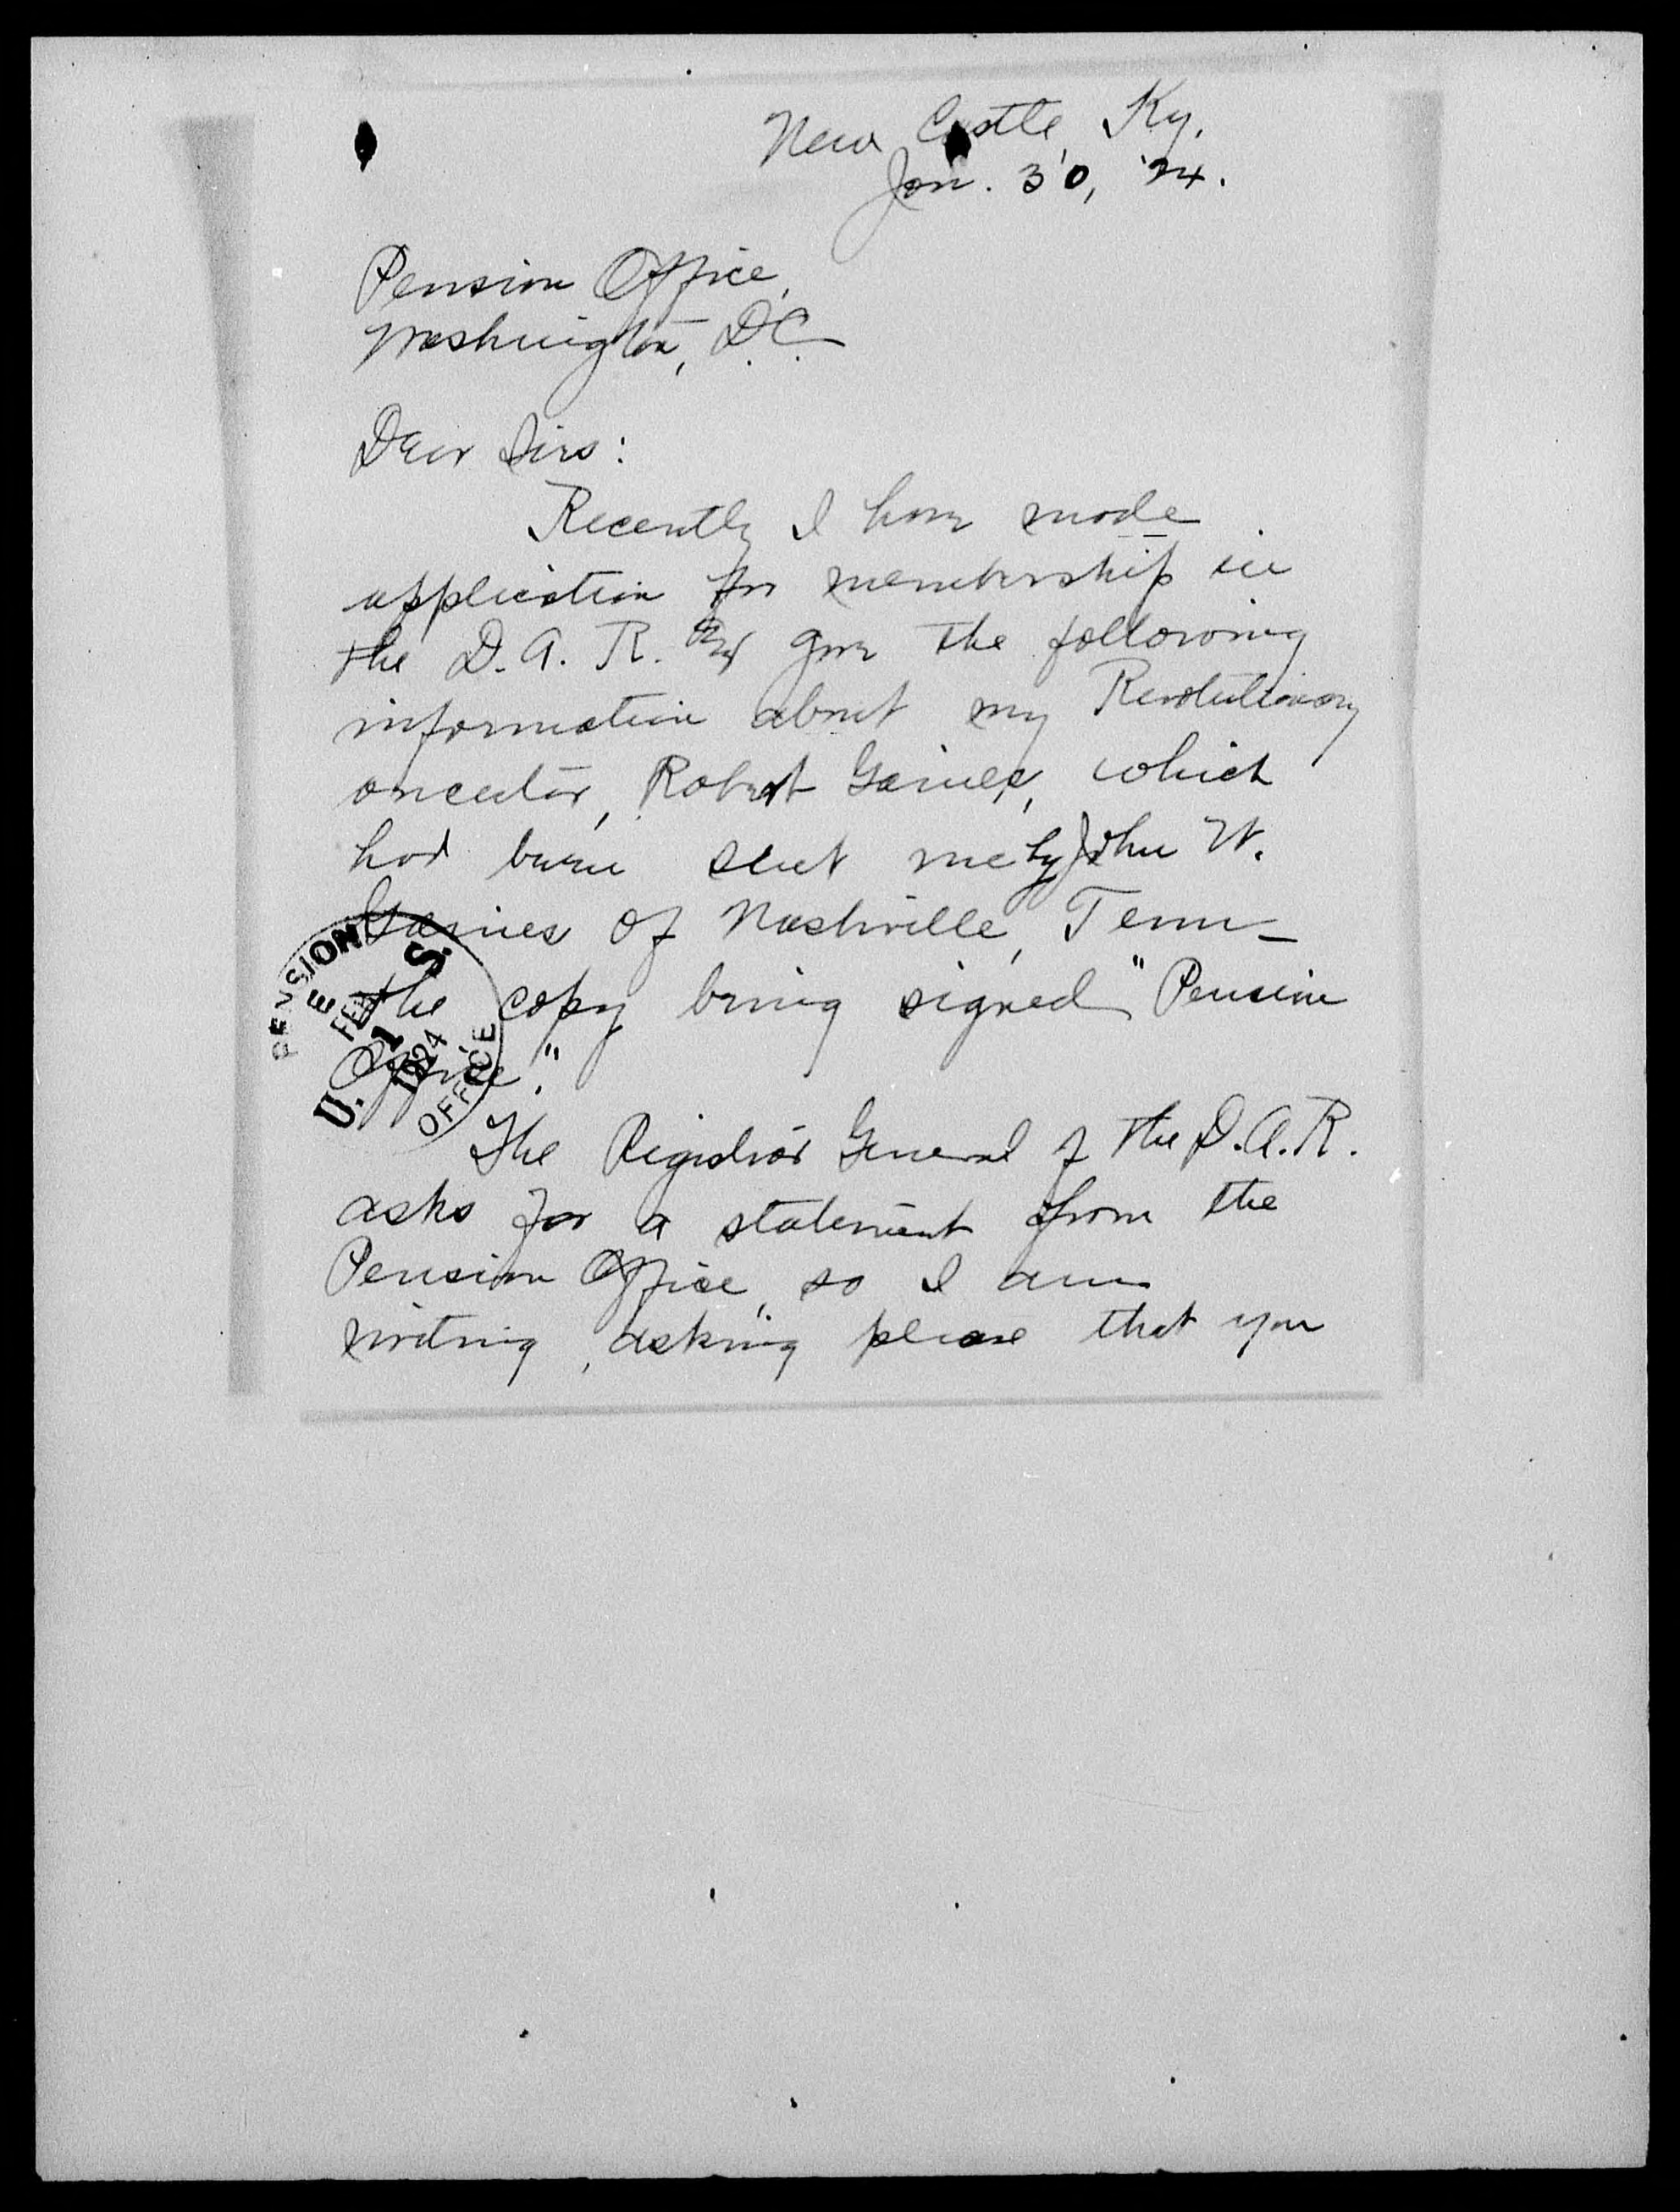New Castle, Ky.
Jan. 30, '24.
Pension Office
Washington, D.C.
Dear Sirs:
Recently I have made application
for membership in
the D.A.R. and give the following
information about my Revolutionary
ancestor Robert Gaines, which
had been sent me by John W.
names of Nashville, Tenn -
the copy being signed "Pension Office."
The Registrar General of the D.A.R
asks for a statement from the
Pension Office so I am
writing, asking please that you

U. S. PENSION OFFICE
E
FEB
1
1924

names: John W Gaines, Robert Gaines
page: 50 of 79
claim: rejected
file: R. 3863, Robert Gaines, Va.